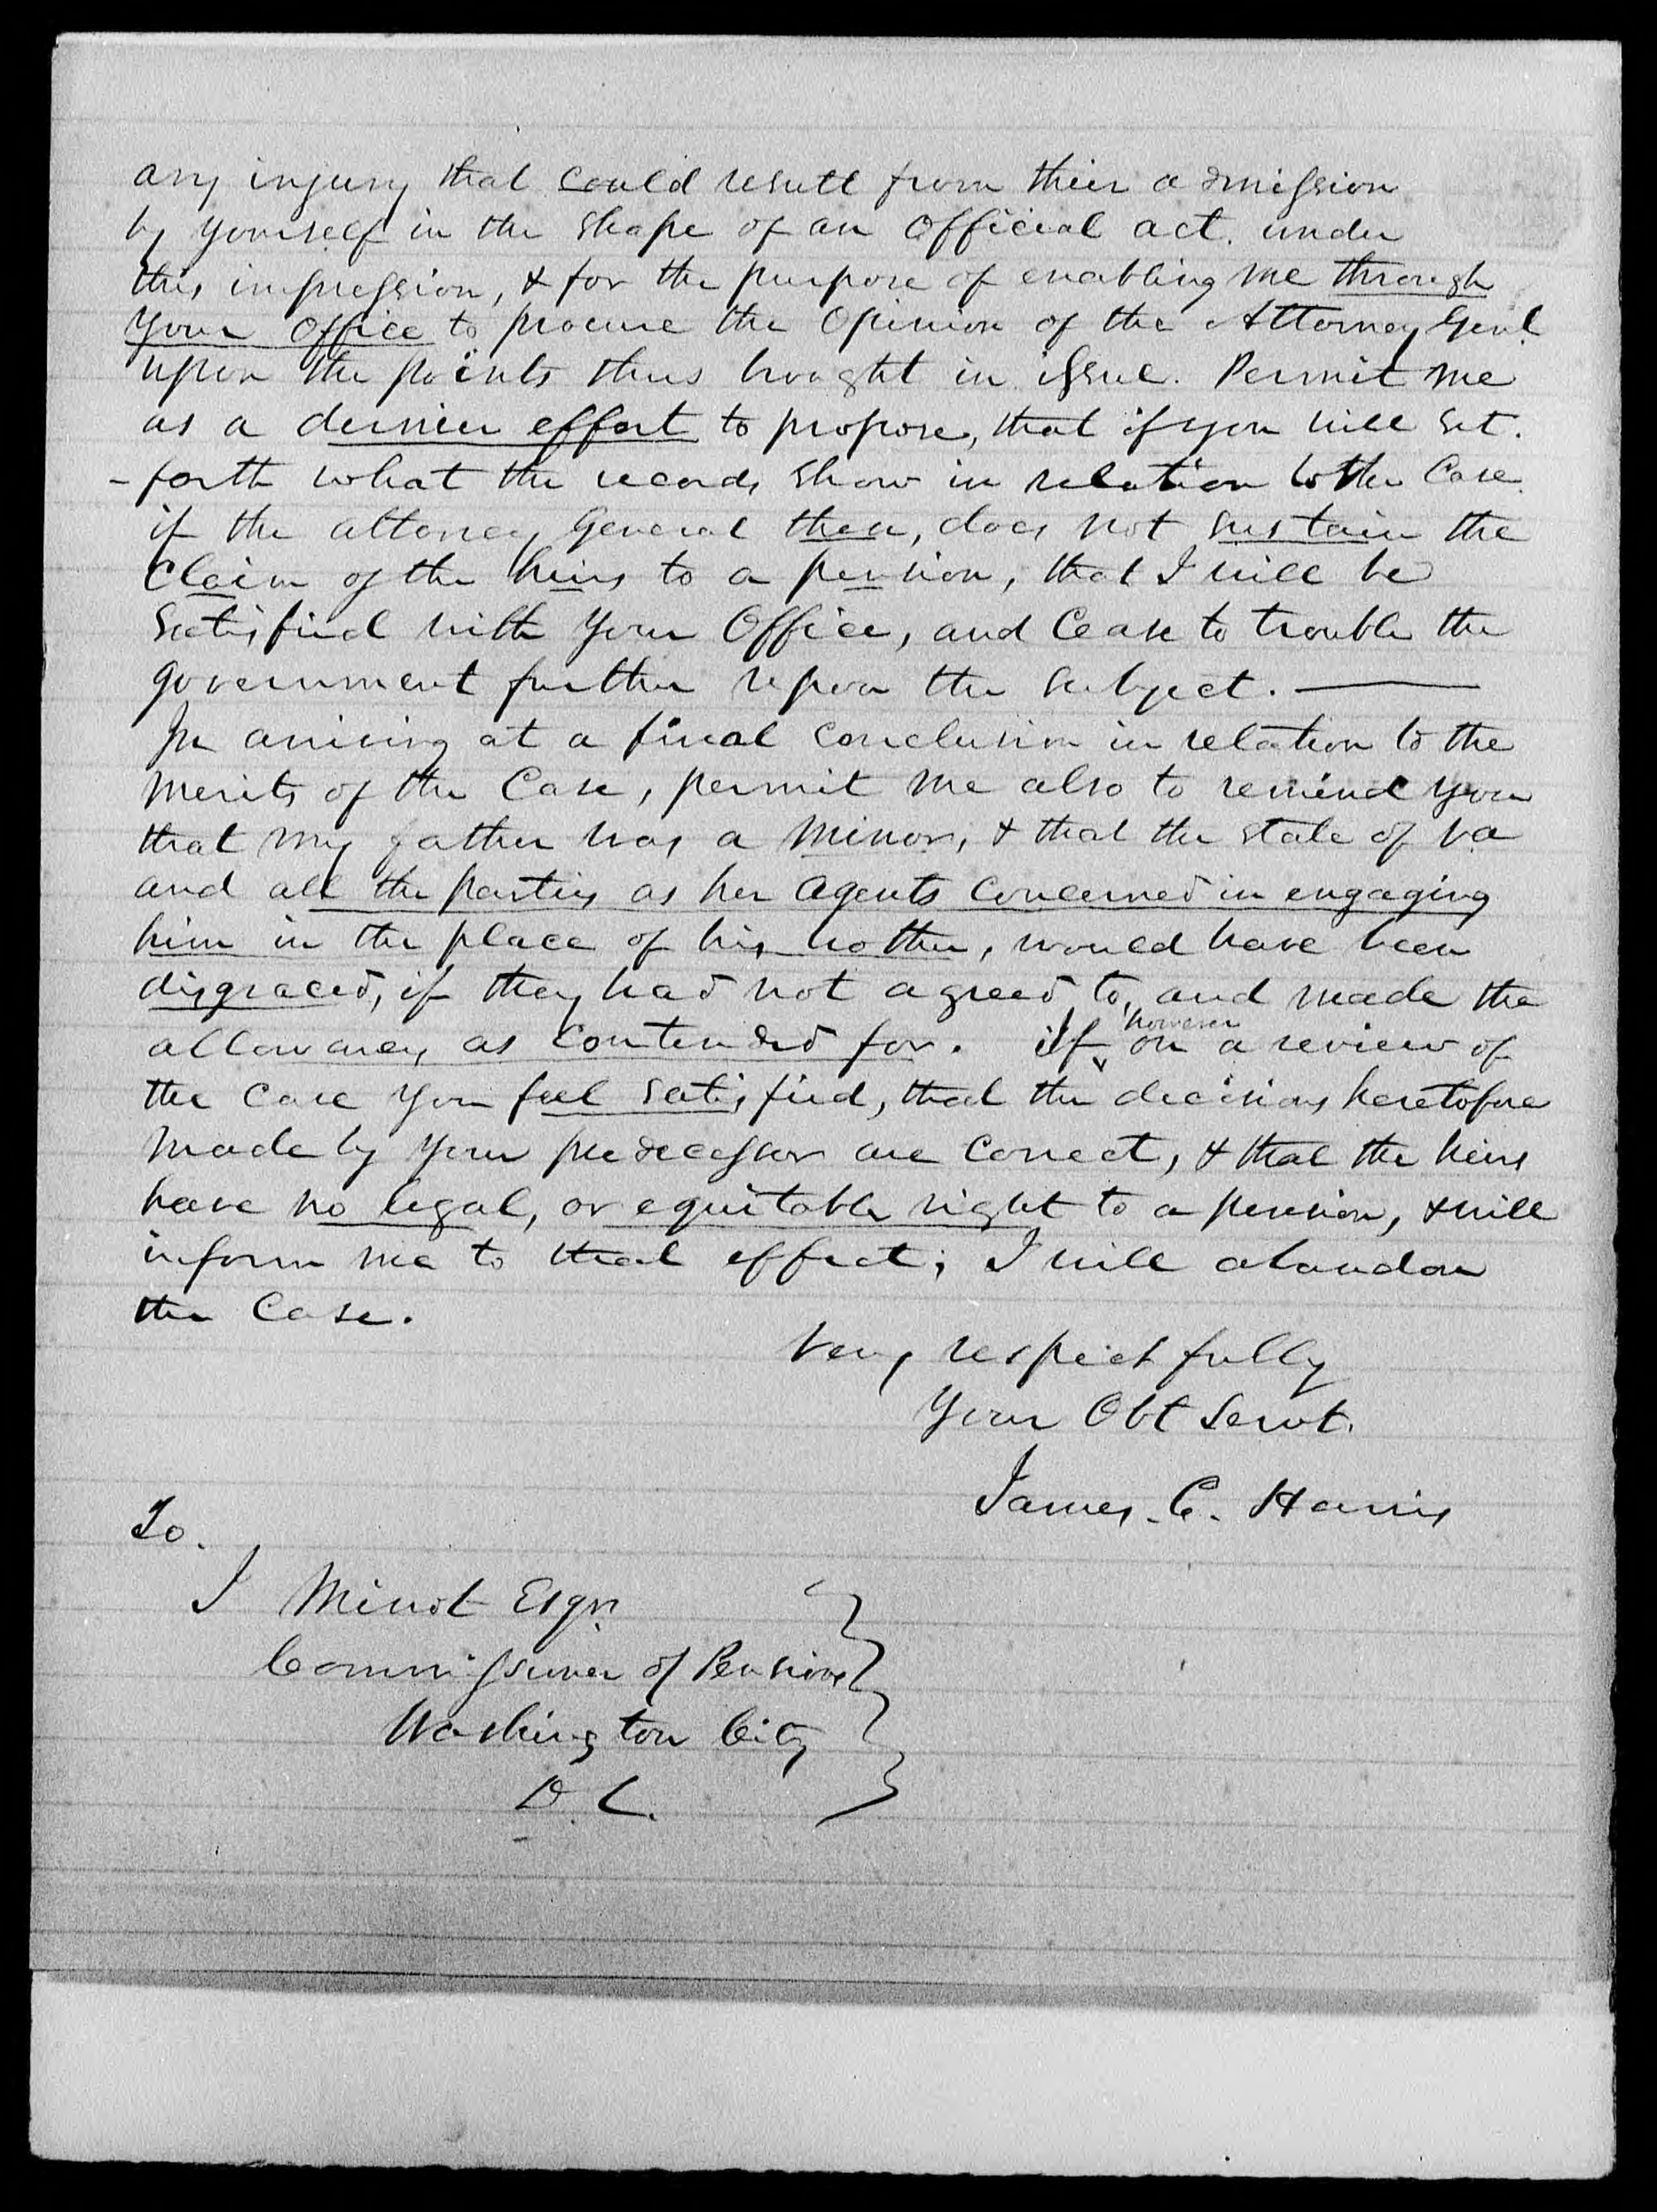any injury that could result from their admission by yourself in the shape of an official act, under this impression, & for the purpose of enabling me through your office to procure the opinion of the Attorney Gen'l upon the points thus brought in issue.  Permit me as a [?] effort to propose, that if you will set forth what the records show in relation to the case if the attorney General then does not sustain the claim of the heirs to a pension, that I will be satisfied with your office, and cease to trouble the government further upon the subject.
In aiming at a final conclusion in relation to the merits of the case, permit me also to remind you that my father was a minor, & that the state of Va and all the parties as her agents concerned in engaging him in the place of his brother, would have been disgraced, if they had not agreed to, and made the allowance, as contended for.  If however on a review of the case you feel satisfied, that the decisions heretofore made by your predecessor are correct, & that the heirs have no legal, or equitable right to a pension, & will inform me to that effect, I will abandon the case.
Very respectfully
Your Obt Servt
James C. Harris

To,
J Minot Esqr
Commission of Pensions
Washington City
D.C.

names: James C Harris, J Minot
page: 70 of 160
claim: rejected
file: R. 4666, James Harris, Va.